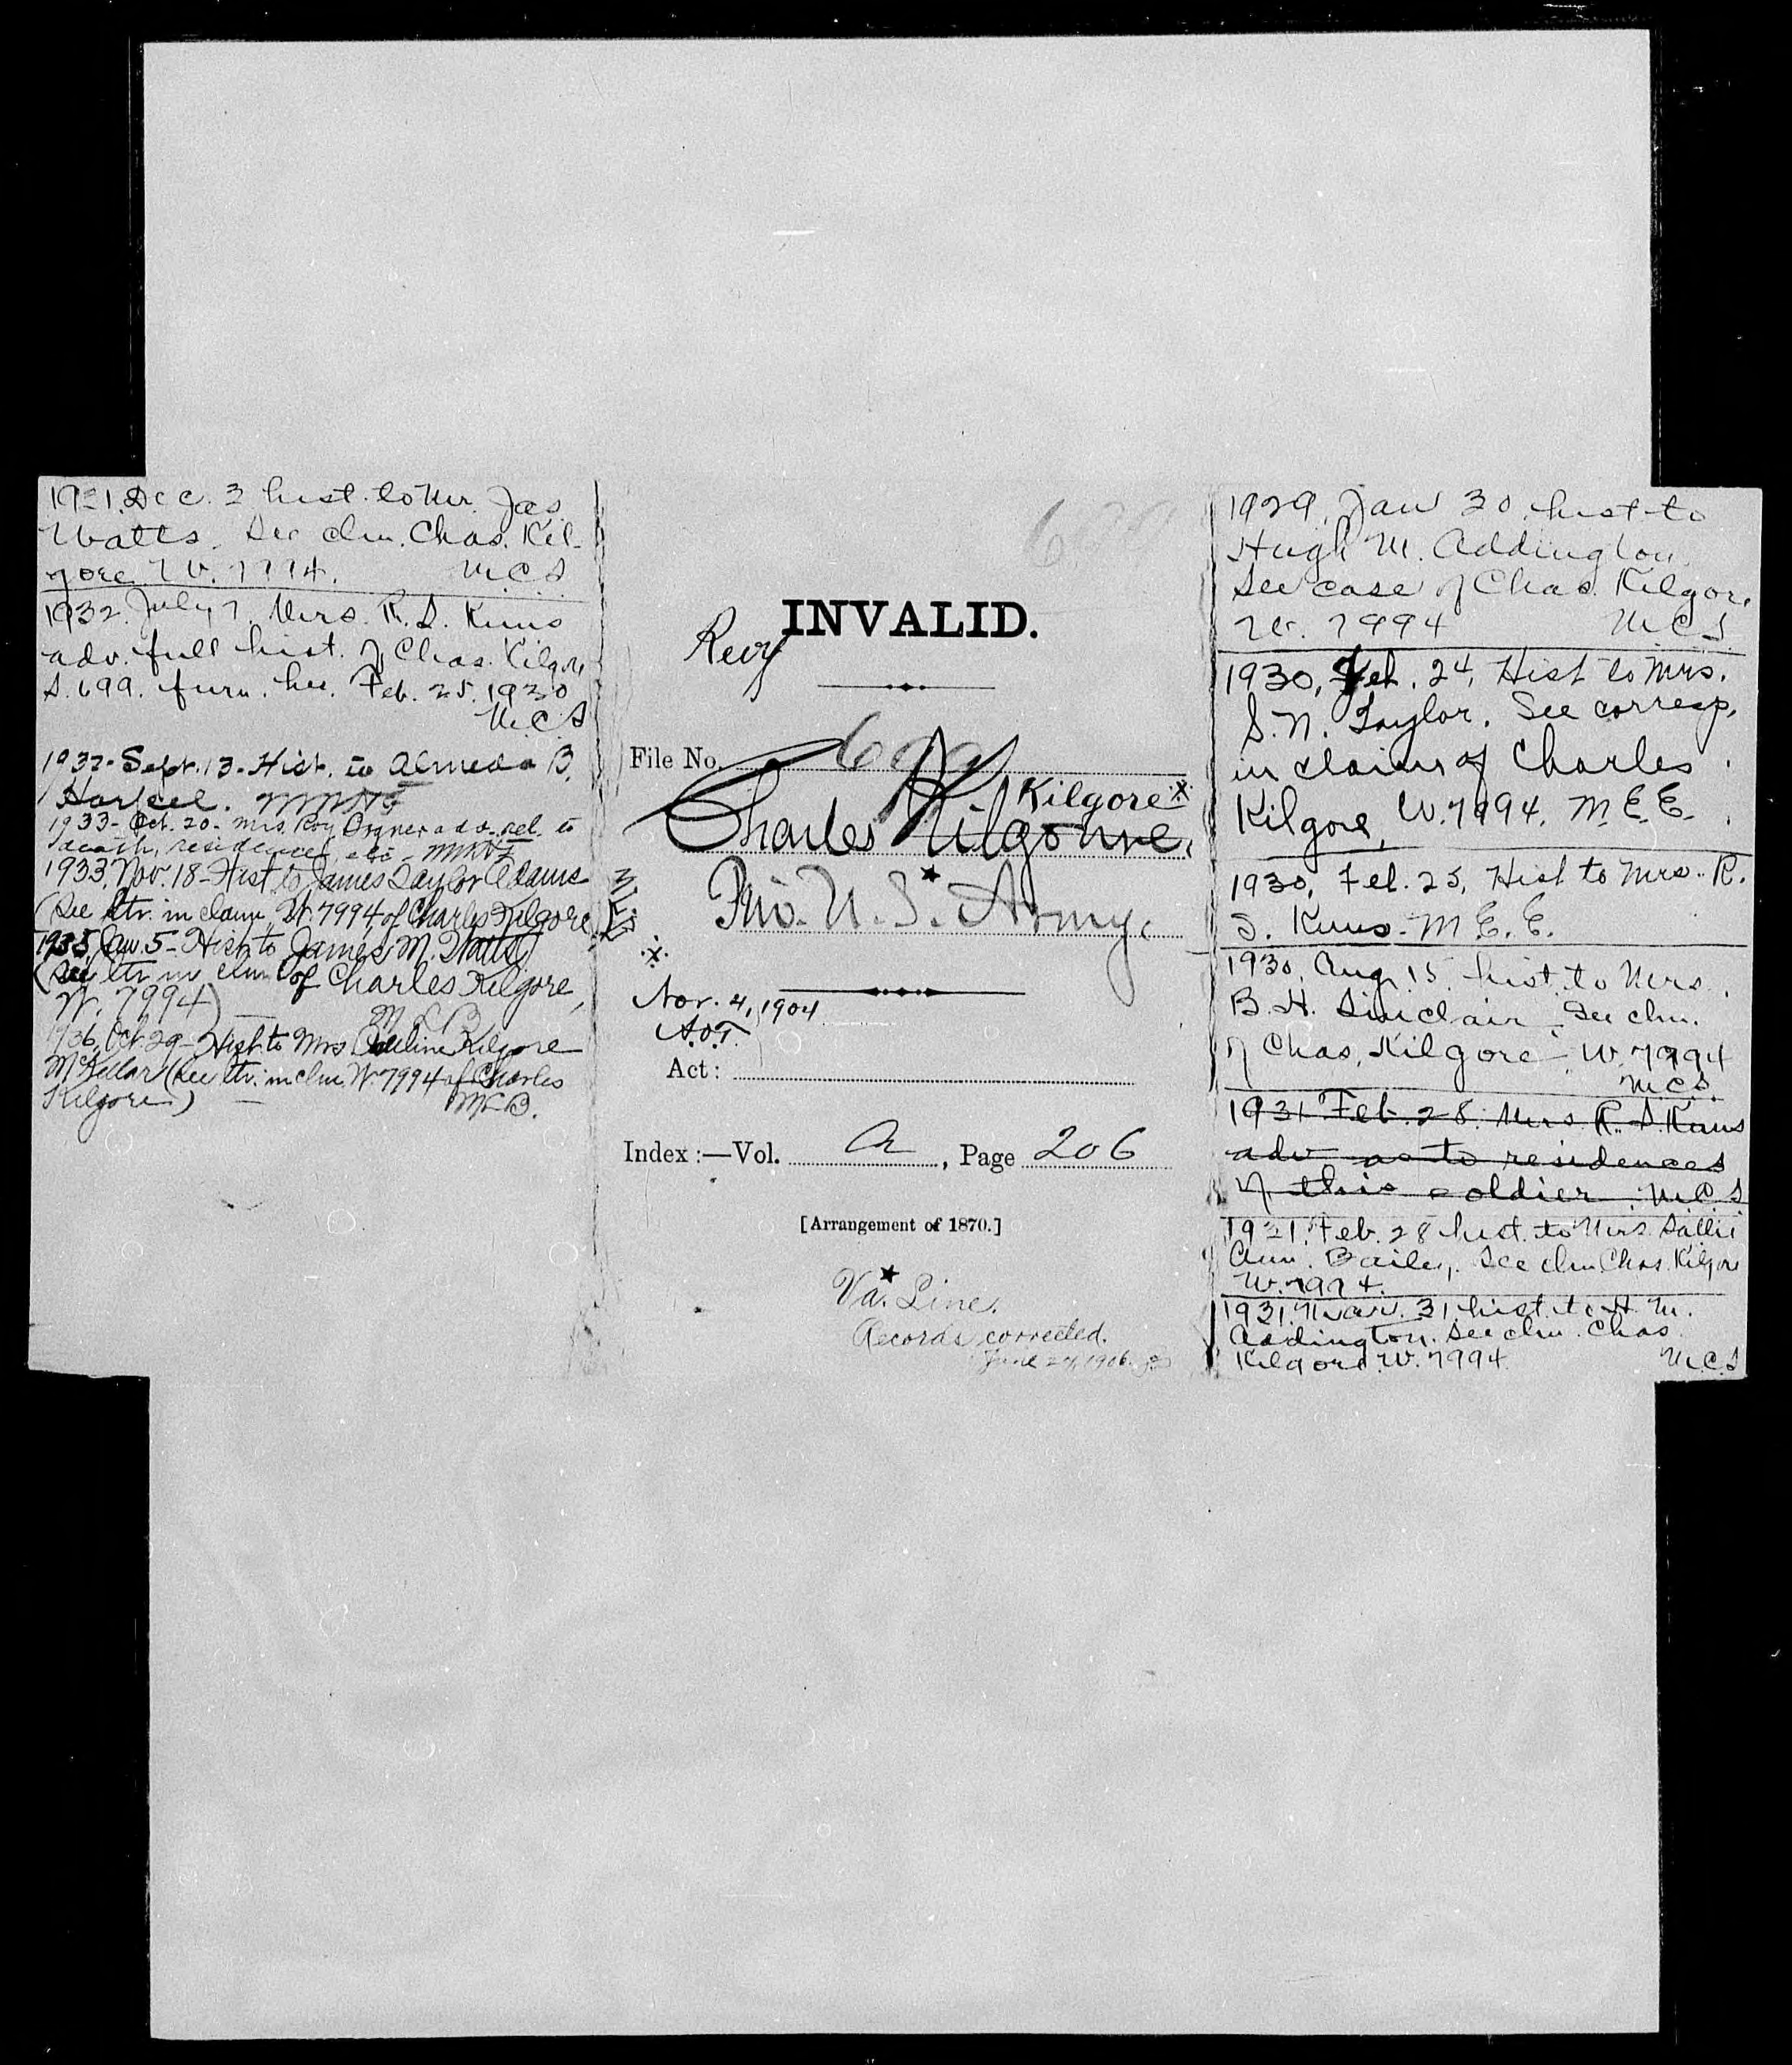699
Revy INVALID
File No. 699 Charles [crossed out: Kilgonne] Kilgore+ Priv. U. S. * Army
+Nov. 4, 1904
A.O.T.
Act: [BLANK]
Index:-Vol. A, Page 206
[Arrangement of 1870.]
* Va. Line.
Records corrected June 27, 1906.

1931. Dec. 3 hist to Mr. Jas. Watts, Sec clm. Chas. Kilgore W. 7994. M.C.S.
1932. July 7. Mrs. R. D. Kuns. adv. full hist. of Chas. Kilgore S. 699 furn. his. Feb. 25. 1930 M.C.S.
1932. Sept. 13. Hist. to Almeda B. Harpel. MMTF
1933. Oct. 20. Mrs. Roy Bogner add. rel. to death, residence, etc. MMTF
1933. Nov. 18 - Hist to James Taylor Adams (see ltr. in claim W. 7994, of Charles Kilgore) MLB
1935. Jan. 5 - Hist to James M. Watts (see ltr in claim of Charles Kilgore, W. 7994)
1936. Oct. 29 - Hist to Mrs. Pauline Kilgore MdKellar (Rec. ltr. in clm. W. 7994 of Charles Kilgore) MLB.

1929, Jan 30. hist to Hugh M. Addington. See case of Chas. Kilgore W. 7994 M.C.S.
1930, Feb. 24, Hist to Mrs. S. N. Taylor. See corresp, in claim of Charles Kilgore, W. 7994. M.E.E.
1930, Feb. 25, Hist to Mrs. R. S. Kuns. M.E.E.
1930, Aug. 15. hist to Mrs. B. H. Sinclair, See clm. of Chas. Kilgore W. 7994 M.C.S.
[crossed out: 1931. Feb. 28. Mrs. R. S. Kuns adv as to residences of this soldier. M.C.S.]
1931. Feb. 28 hist. to Mrs Sallie Ann Baile, See clm. Chas. Kilgore W. 7994.
1931. Mar. 31. hist to H. M. Addington. See clm. Chas. Kilgore W. 7994. M.C.S.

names: Sallie Ann Bailey; Chas Kilgore; S N Taylor; R S Kuns; James Taylor Adams; Roy Bogner; Jas Watts; Almeda B Harpel; Hugh M Addington; James M Watts; Pauline Kilgore Mc Kellar; Charles Kilgore; B H Sinclair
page: 36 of 115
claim: survivor's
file: S. 699, for Charles Kilgore, Virginia